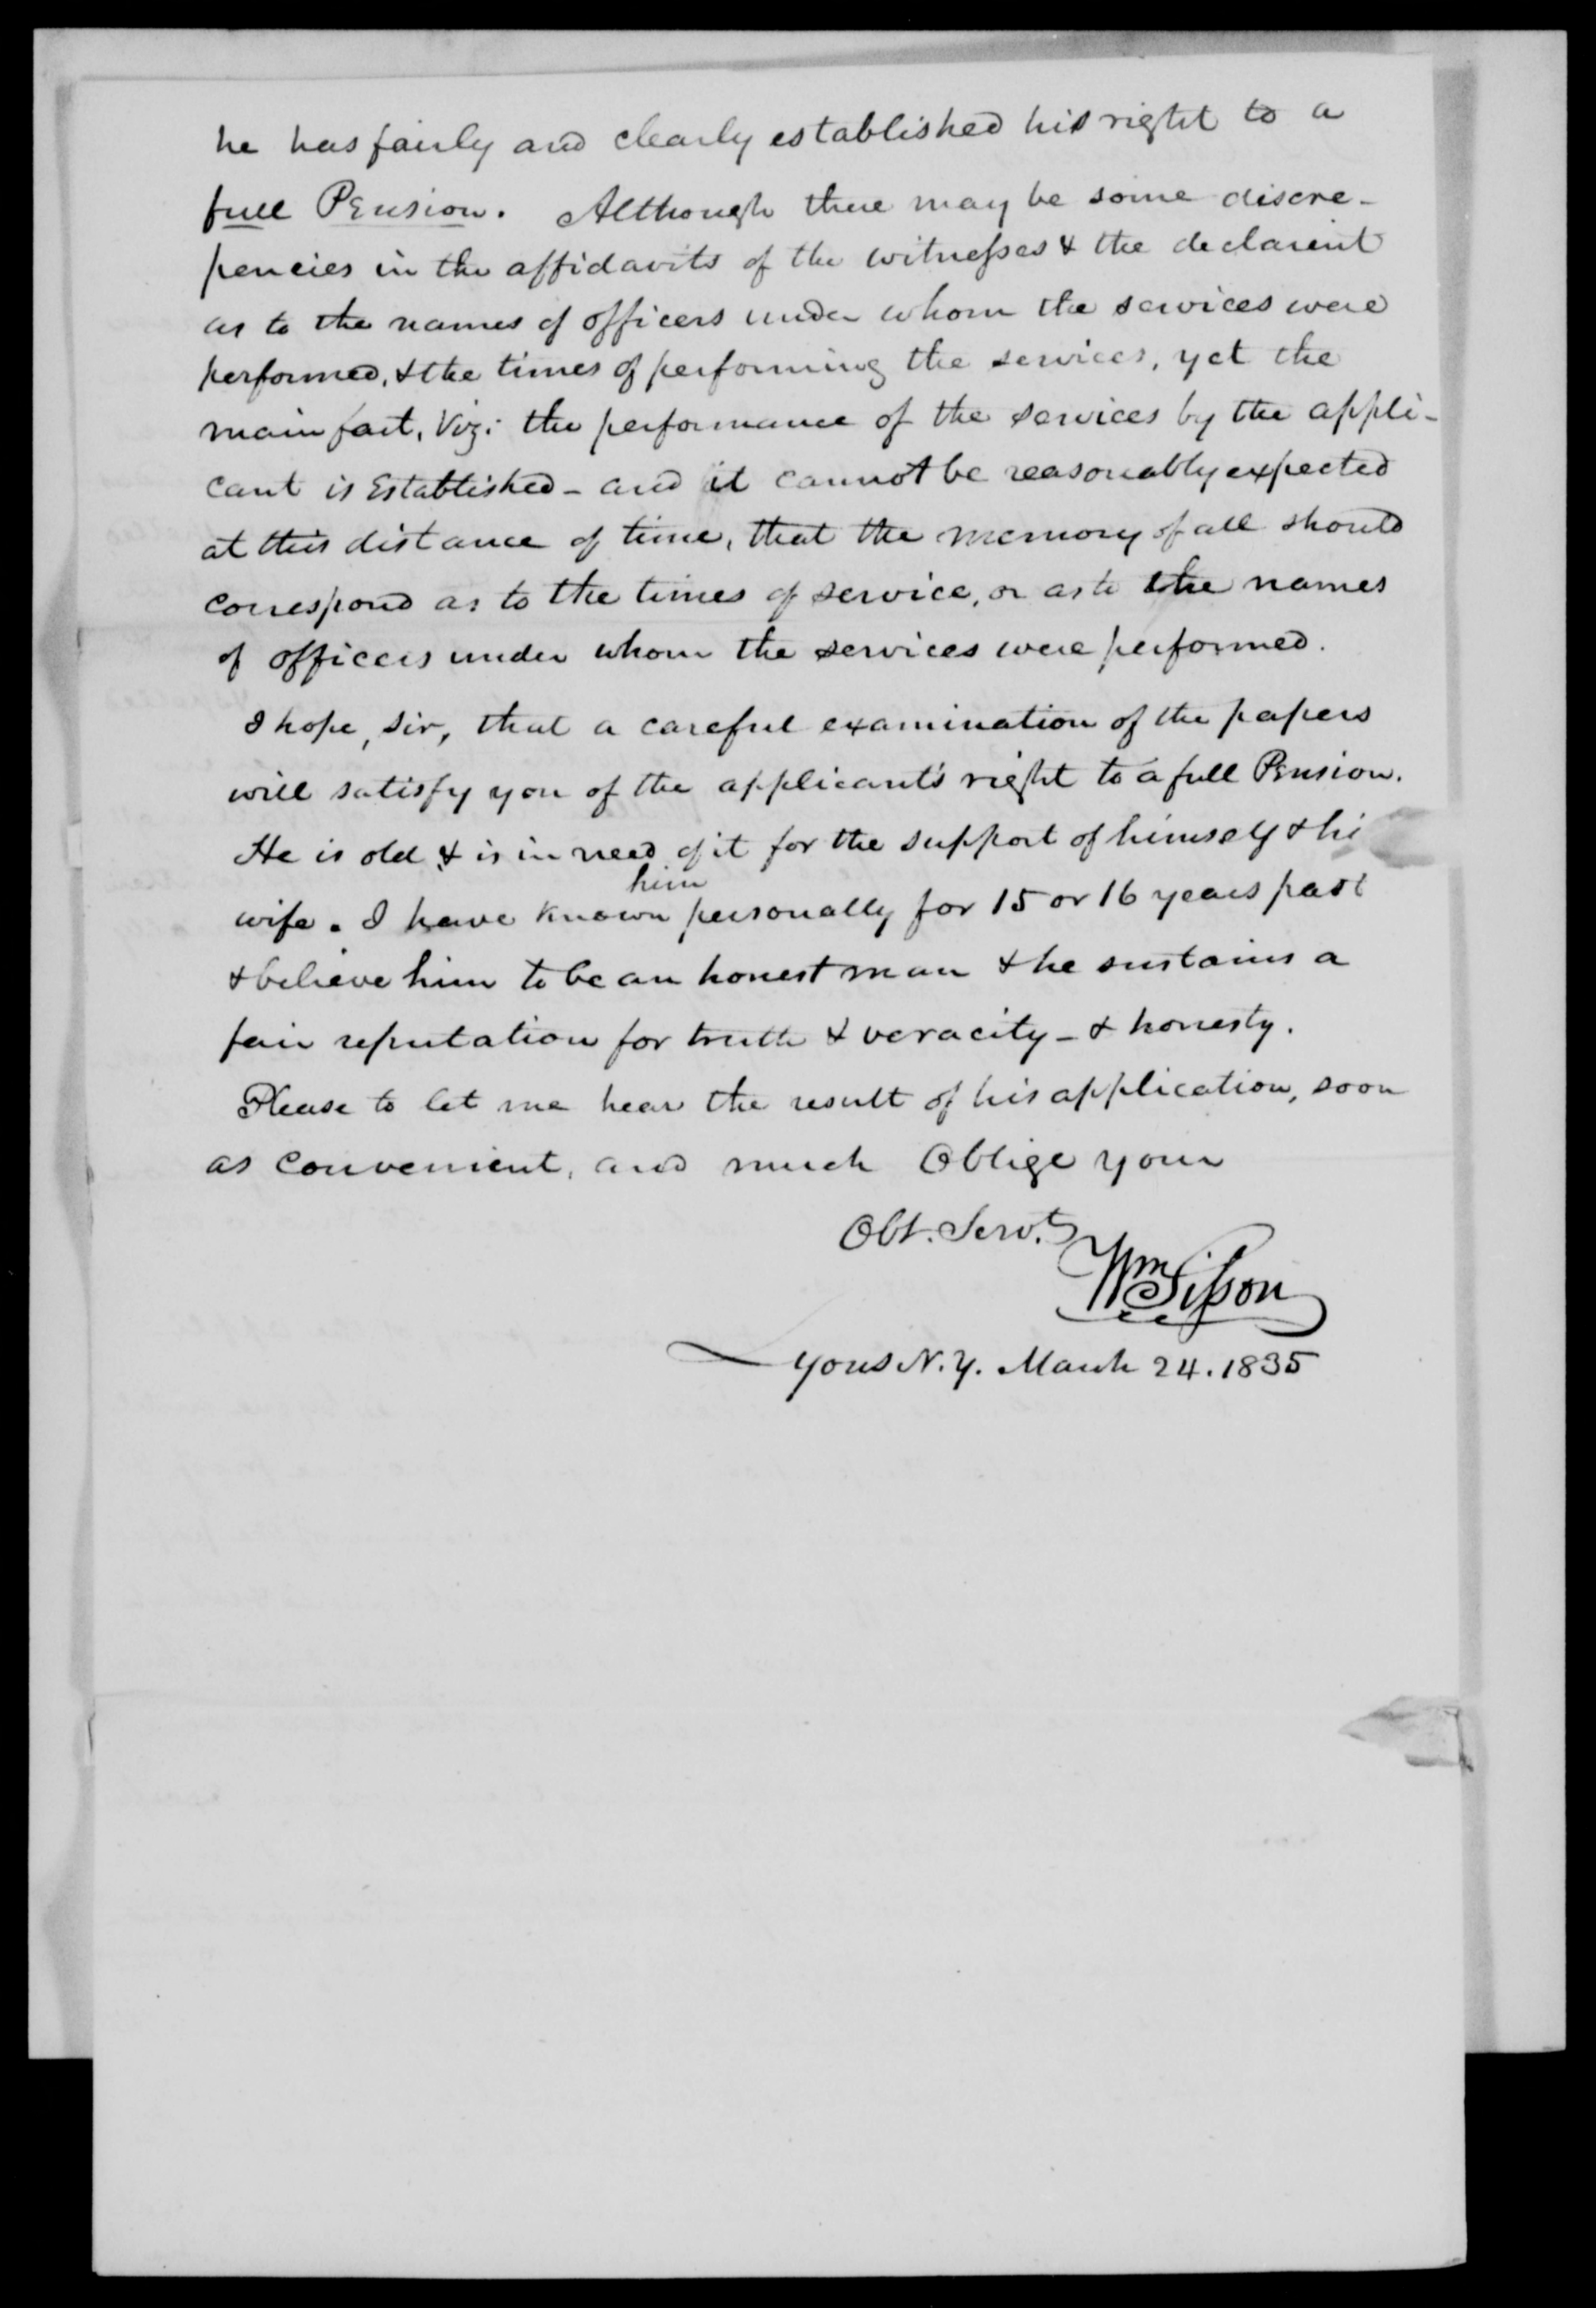has has fairly and clearly established his right to a full Pension.  Although there may be some discrepancies in the affidavits of the witnesses & the declarant as to the names of officers under whom the services were performed, & the times of performing the services, yet the main fact (illegible, Viz:) the performance of the services by the applicant is established - and it cannot be reasonably expected at this distance of time, that the memory of all should correspond as to the times of service, or as to the names of officers under whom the services were performed.  I hope, sir, that a careful examination of the papers will satisfy you of the applicant's right to a full Pension.  He is old & is in need of it for the support of himself & his wife.  I have known him personally for 15 or 16 years past & believe him to be an honest man & he sustains a fair reputation for truth & veracity & honesty.  Please to let me hear the result of his application, soon as convenient, and much oblige your (illegible) Wm Sisson, Yours N.Y. March 24, 1835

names: Wm Sisson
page: 22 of 66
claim: widow's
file: W. 19588, William Walling, New Jersey